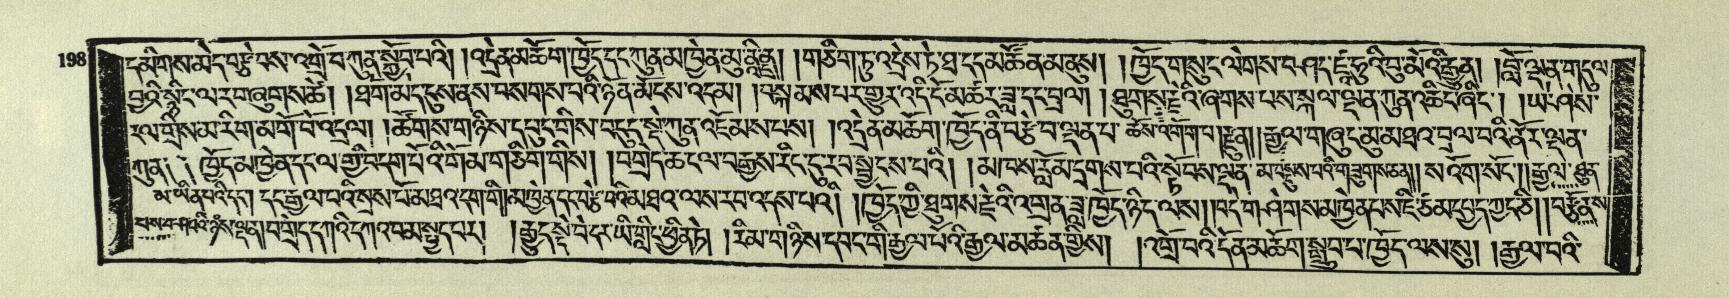དམིགས་མེད་བརྩེ་བས་འགྲོ་བ་ཀུན་སྐྱོབ་པའི། །འདྲེན་མཆོག་ཁྱོད་དང་ཀུན་མཁྱེན་མུ་ནཱི་ནྡྲ། །གཅིག་ཏུ་འདྲེས་ཏེ་ཐ་དད་མཚོན་མ་ནུས། །ཁྱོད་གསུང་ལེགས་བཤད་ཛཱ་ཧུའི་བུ་མོའི་རྒྱུན། །བློ་ལྡན་གདུལ་
བྱའི་སྙིང་ལ་རབ་ཞུགས་ཚེ། །ཐོག་མེད་དུས་ནས་བསགས་པའི་ཉོན་མོངས་འདམ། །བསྐམས་པར་གྱུར་འདི་ངོ་མཚར་ཟླ་དང་བྲལ། །ཐུགས་རྗེའི་ཞགས་པས་སྐལ་ལྡན་ཀུན་འཆིང་ཞིང་། །ཡེ་ཤེས་
རལ་གྲིས་མ་རིག་མགོ་བོ་འདྲལ། །ཚོགས་གཉིས་དཔུང་གིས་བདུད་སྡེ་ཀུན་འཇོམས་པས། །འདྲེན་མཆོག་ཁྱོད་ནི་བརྩེ་བ་ལྡན་པ་ཆོས་འགོག་པ། རྫུན། །རྒྱལ་གཞུང་མུ་མཐའ་བྲལ་བའི་ནོར་ལྡན་
ཀུན༑ ༑ཁྱོད་མཁྱེན་དང་ལ་གྱི་བདག་པོའི་གོམ་གཅིག་གིས། །བགྲེད་ཆ་ངལ་བརྒྱས་རིང་དུ་རབ་སྦྱངས་པའི། །མཁས་རློམ་དྲགས་པའི་སྟོབས་ལྡན་མ་བསྡུས་པའི་གཟུགས་ཅན། །ས་འོག་སོང་། །རྒྱལ་ཐུན་
མ་ཡིན་པའི་དང་། དང་རྒྱལ་པའི་སྲས་པོ་མཐའ་དག་གི། མཁྱེན་དང་བརྩེ་བའི་མཐའ་ལས་རབ་འདས་པའི། །ཁྱོད་ཀྱི་ཐུགས་རྗེའི་འགྲན་ཟླ་ཁྱོད་ཉིད་ལས། །བདེ་གཤེགས་མཁྱེན་པས་ཇི་ཙམ་དཔྱད་ཀྱང་ཅི། །བརྩོན་ས་
པས་བ་ཤ་བའི་ཉཾས་ལྡན། བགྲེད་དཀའི་དཀའ་བ་མ་སྤྱད་པར། །རྒྱུད་སྡེ་བེ་དར་ཡི་གླིང་ཕྱིན་ཏེ། །རིམ་གཉིས་དབང་གི་རྒྱལ་པོའི་རྒྱལ་མཚན་གྱིས། །འགྲོ་བའི་དོན་མཆོག་སྒྲུབ་པ་ཁྱོད་ལས་སུ། །རྒྱལ་བའི་